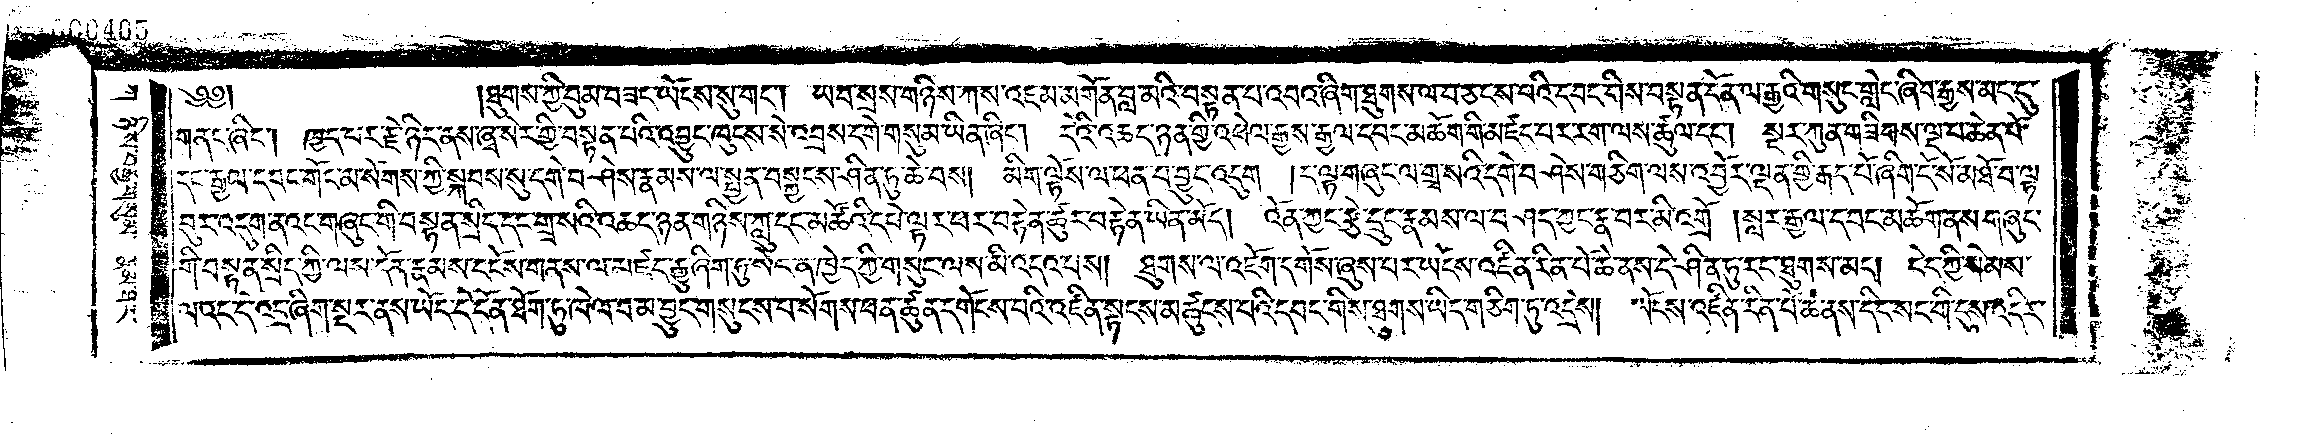༄༅། །ཐུགས་ཀྱི་བུམ་བཟང་ཡོངས་སུ་གང་། ཡབ་སྲས་གཉིས་ཀས་འཇམ་མགོན་བླ་མའི་བསྟན་པ་འབའ་ཞིག་ཐུགས་ལ་བཅངས་པའི་དབང་གིས་བསྟན་དོན་ལ་རྒྱའི་གསུང་གླེང་ཞིབ་རྒྱས་མང་དུ་
གནང་ཞིང་། ཁྱད་པར་རྗེ་ཉིད་ནས་ཞྭ་སེར་གྱི་བསྟན་པའི་འབྱུང་ཁུངས་སེ་འབྲས་དགེ་གསུམ་ཡིན་ཞིང་། དེའི་འཆད་ཉན་གྱི་འཕེལ་རྒྱས་རྒྱལ་དབང་མཆོག་གི་མཛད་པར་རག་ལས་ཚུལ་དང་། སྔར་ཀུན་གཟིགས་ལྔ་པ་ཆེན་པོ་
དང་རྒྱལ་དབང་གོང་མ་སོགས་ཀྱི་སྐབས་སུ་དགེ་བཤེས་རྣམས་ལ་སྤྱན་བསྐྱངས་ཤིན་ཏུ་ཆེ་བས། མིག་ལྟོས་ལ་ཕན་པ་བྱུང་འདུག །ད་ལྟ་གཞུང་ལ་གྲྭ་སའི་དགེ་བཤེས་གཅིག་ལས་འབྱོར་ལྡན་གྱི་རྒད་པོ་ཞིག་ངོ་སོ་མཐོ་བ་ལྟ་
བུར་འདུག་ནའང་གཞུང་གི་བསྟན་སྲིད་དང་གྲྭ་སའི་འཆད་ཉན་གཉིས་ཀླུ་དང་མཚོའི་དཔེ་ལྟར་ཕར་བརྟེན་ཚུར་བརྟེན་ཡིན་མོད། འོན་ཀྱང་རྩེ་དྲུང་རྣམས་ལ་བཤད་ཀྱང་རྣ་བར་མི་འགྲོ་།སླར་རྒྱལ་དབང་མཆོག་ནས་གཞུང་
གི་བསྟན་སྲིད་ཀྱི་ལས་དོན་རྣམས་དངོས་གནས་ལ་མཛད་རྒྱུ་ཞིག་ཏུ་སེང་ན་ཁྱེད་ཀྱི་གསུང་ལས་མི་འདའ་བས། ཐུགས་ལ་འཇོག་དགོས་ཞུས་པར་ཡོངས་འཛིན་རིན་པོ་ཆེ་ནས་དེ་ཤིན་ཏུ་རང་ཐུགས་མད། ངེད་ཀྱི་སེམས་
ལའང་དེ་འདྲ་ཞིག་སྔར་ནས་ཡོད་དེ་དོན་ཐོག་ཏུ་ཁེལ་བ་མ་བྱུང་གསུངས་པ་སོགས་ཕན་ཚུན་དགོངས་པའི་འཛིན་སྟངས་མཚུངས་པའི་དབང་གིས་ཐུགས་ཡིད་གཅིག་ཏུ་འདྲེས། ཡོངས་འཛིན་རིན་པོ་ཆེ་ནས་དིང་སང་གི་དུས་འདིར་